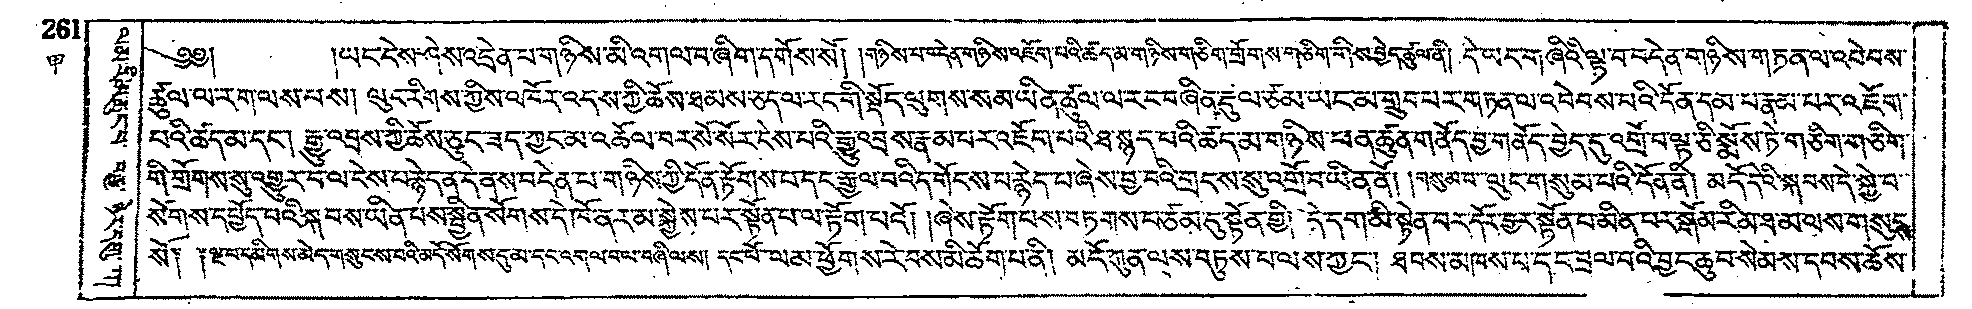༄༅། །ཡང་ངེས་ཤེས་འདྲེན་པ་གཉིས་མི་འགལ་བ་ཞིག་དགོས་སོ། །གཉིས་པ་བདེན་གཉིས་འཇོག་པའི་ཚད་མ་གཉིས་གཅིག་གྲོགས་གཅིག་གིས་བྱེད་ཚུལ་ནི།  དེ་ཡང་གཞིའི་ལྟ་བ་བདེན་གཉིས་གཏན་ལ་འབེབས་
ཚུལ་ལ་རག་ལས་པས། ལུང་རིགས་ཀྱིས་འཁོར་འདས་ཀྱི་ཆོས་ཐམས་ཅད་ལ་རང་གི་སྡོད་ལུགས་སམ་ཡིན་ཚུལ་ལ་རང་བཞིན་རྡུལ་ཙམ་ཡང་མ་གྲུབ་པར་གཏན་ལ་འབེབས་པའི་དོན་དམ་པ་རྣམ་པར་འཇོག་
པའི་ཚད་མ་དང་། རྒྱུ་འབྲས་ཀྱི་ཆོས་ཅུང་ཟད་ཀྱང་མ་འཆོལ་བར་སོ་སོར་ངེས་པའི་རྒྱུ་འབྲས་རྣམ་པར་འཇོག་པའི་ཐ་སྙད་པའི་ཚད་མ་གཉིས་ཕན་ཚུན་གནོད་བྱ་གནོད་བྱེད་དུ་འགྲོ་བ་ལྟ་ཅི་སྨོས་ཏེ་གཅིག་གཅིག་
གི་གྲོགས་སུ་འགྱུར་བ་ལ་ངེས་པ་རྙེད་ན་དེ་ནས་བདེན་པ་གཉིས་ཀྱི་དོན་རྟོགས་པ་དང་རྒྱལ་བའི་དགོངས་པ་རྙེད་པ་ཞེས་བྱ་བའི་གྲངས་སུ་འགྲོ་བ་ཡིན་ནོ། །གསུམ་པ་ལུང་གསུམ་པའི་དོན་ནི། མདོ་དེའི་སྐབས་དེ་སྐྱེ་བ་
སོགས་དཔྱོད་པའི་སྐབས་ཡིན་པས་སྦྱིན་སོགས་དེ་ཁོ་ནར་མ་སྐྱེས་པར་སྟོན་པ་ལ་རྟོག་པའོ། །ཞེས་རྟོག་པས་བཏགས་པ་ཙམ་དུ་སྟོན་གྱི། དེ་དག་མི་སྟེན་པར་དོར་བྱར་སྟོན་པ་མིན་པར་སྒོམ་རིམ་ཐ་མ་ལས་གསུངས་
སོ༑ ༑ལྔ་པ་དམིགས་མེད་གསུངས་པའི་མདོ་སོགས་དུ་མ་དང་འགལ་བ་ལ་བཞི་ལས། དང་པོ་ལམ་ཕྱོགས་རེ་བས་མི་ཆོག་པ་ནི། མདོ་ཀུན་ལས་བཏུས་པ་ལས་ཀྱང་། ཐབས་མཁས་པ་དང་བྲལ་བའི་བྱང་ཆུབ་སེམས་དབས་ཆོས་